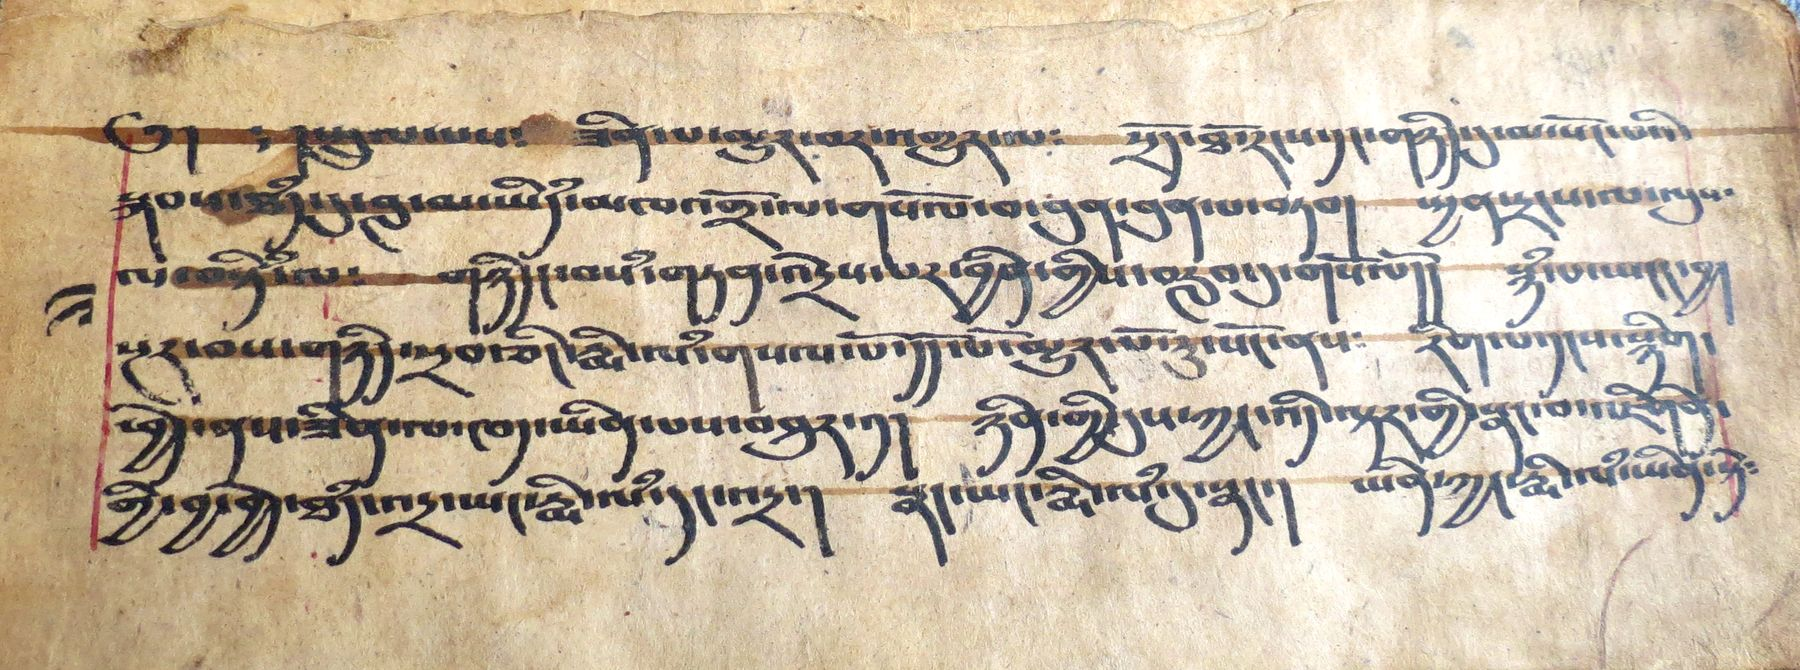སྤྲུལ་པས། ཟིན་པ་མྱུར་བར་འགྱུར་ལ། སྲོད་ཐོ་རངས་དང་། གཉིད་དུ་མ་སོང་བའི་
སྐབས་ཐམས་ཅད་དུ་བླ་མ་ཡི་དམ་མཁའ་འགྲོ་ལ་གསོལ་བ་བུན་བུན་པ་བཏབ། སྤྱན་དྲངས་ཏེ་ལུས་
ལ་སྟིམས་ལ། གཉིད་དང་བསམ་གཏན་འདྲེས་པར་བྱིན་གྱིས་བརླབ་ཏུ་གསོལ་ལོ། སྙམ་པ་ཡང་ཡང་བྱ། 
སྔར་བས་གཉིད་སྲབ་ཅིང་རྨི་ལམ་གསལ་པོ་དོད་པོ་མྱུར་པོ་རུ་སོང་ནས། རིག་པ་དྭངས་སྙིགས་
ཕྱེ་ནས་ཟིན་ལ་ཁད་ཡིན་པས་བཞུར་གཅིག། ཉིན་གྱི་དུས་ཀྱང་འདི་ལྟར་གྱི་སྣང་བ་འཇིག་རྟེན་
གྱི་བྱ་བྱེད་ཐམས་ཅད་འདྲ་ཡང་རྨི་ལམ་དང་འདྲ། སྣང་ཡང་རྨི་ལམ་དུ་སྣང་། ཡིན་ཀྱང་རྨི་ལམ་ཡིན་ཏེ།